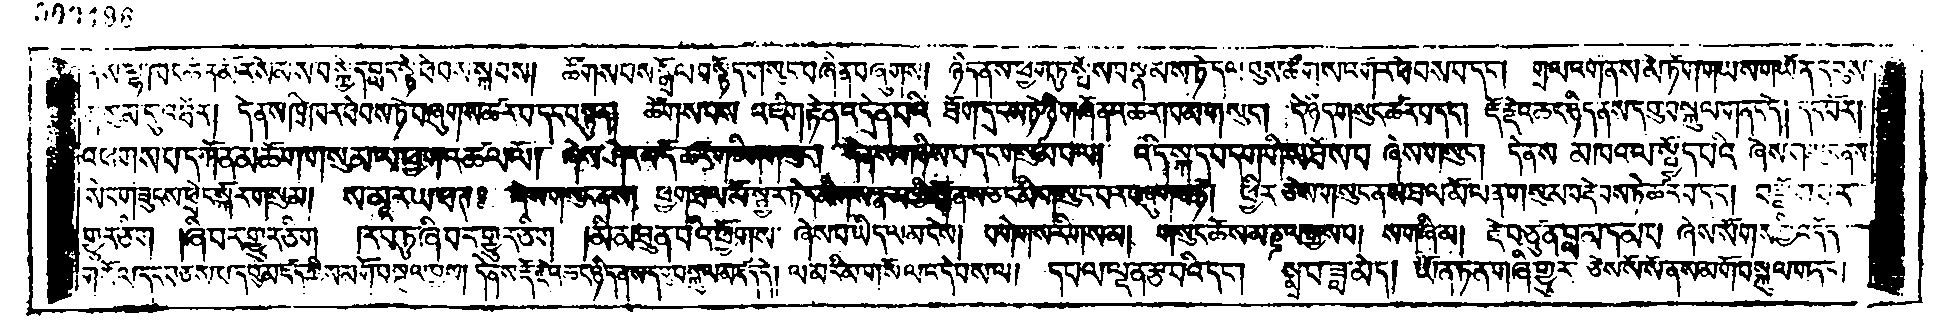ནས་ལྷ་ཁང་ཆེན་མོར་སེམས་བསྐྱེད་བླང་སྟེ་ཕེབས་སྐབས། ཚོགས་པས་སྒྲོལ་བསྟོད་གསུང་བཞིན་བཞུགས། ཉིད་ནས་ཕྱག་ཏུ་སྤོས་བསྣམས་ཏེ་དལ་བུས་ཚོགས་འགོར་ཕེབས་པ་དང་། གྲོལ་འགོ་ནས་མེ་ཏོག་གཡས་གཡོན་དབུས་
གསུམ་དུ་འཐོར། དེ་ནས་ཁྲི་ཁར་ཕེབས་ཏེ་བཞུགས་ཚར་བ་དང་བསྟུན། ཚོགས་པས། འཇིག་རྟེན་འདྲེན་པའི་ཐོག་དྲངས་ཏེ་ཉི་གཞོན་འཆར་ཁམ་གསུང་། དེ་ཉིད་གསུང་ཚར་བ་དང་། རྡོ་རྗེ་འཆང་ཉིད་ནས་དབུ་བསྐུལ་གནང་དེ། དང་པོར།
འཕགས་པ་དཀོན་མཆོག་གསུམ་ལ་ཕྱག་འཚལ་ལོ། ཞེས་ཤེར་མདོ་ཚར་གཅིག་གསུང་། དེ་ནས་གཉིས་པ་དང་གསུམ་པ་ལ།  འདི་སྐད་བདག་གིས་ཐོས་པ་ཞེས་གསུང་། དེ་ནས་མཁའ་ལ་སྤྱོད་པའི་ཞེས་གསུང་ནས་
སེང་གཟུངས་ཕྲེང་སྐོར་གསུམ། ས་མཱ་ར་ཡ་ཕཊཿ ཞེས་གསུང་ནས།  ཕྱག་ཐལ་མོ་སྦྱར་ཏེ་དམིགས་རྣམ་གྱི་སྒོ་ནས་ཅང་མི་གསུང་བར་བཞུགས་ཏེ། ཕྱིར་ཅེས་གསུང་ནས་ཐལ་མོ་ལན་གསུམ་བརྡེབས་ཏེ་ཚར་བ་དང་། བཟློག་པར་
གྱུར་ཅིག །ཞི་བར་གྱུར་ཅིག །རབ་ཏུ་ཞི་བར་གྱུར་ཅིག །མི་མཐུན་པའི་ཕྱོགས་ཞེས་པ་ཡིད་ལ་མ་ངེས། བགེགས་རིགས་མ། གསུང་ཆོས་མཎྜལ་རྒྱས་པ། ས་གཞི་མ། རྗེ་བཙུན་བླ་མ་དམ་པ་ཞེས་སོགས་ཀྱི་འདོད་
གསོལ་དང་བཅས་པ་དབུ་མཛད་ཀྱིས་མགོ་བསྐུལ་བྱས། དེ་ནས་རྡོ་རྗེ་འཆང་ཉིད་ནས་དབུ་བསྐུལ་མཛད་དེ། ལམ་རིམ་གསོལ་འདེབས་ལ། དཔལ་ལྡན་རྩ་བའི་དང་། སྨྲ་བ་ཟླ་མེད། ཡོན་ཏན་གཞི་གྱུར་ཅེས་སོ་སོ་ནས་མགོ་བསྐུལ་གནང་།